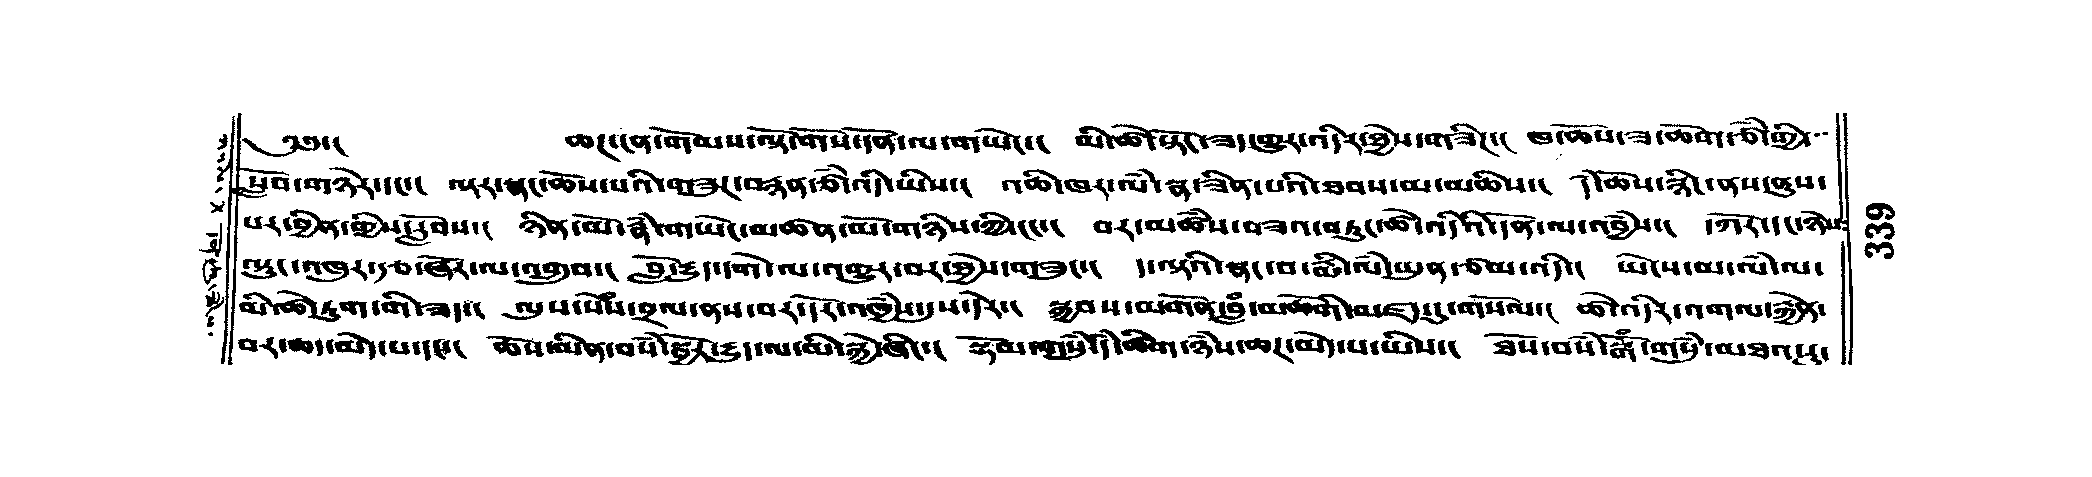ཆགས་ངན་གོམས་ལྟོ་གོས་དོན་ལ་གཡེང་། །མི་ཚེ་སྟོང་ཟད་གྱུར་འདིར་ཐུགས་རྗེས་གཟིགས། །ཁ་ཆོས་ཟ་ཆོག་ཙམ་གྱི་
སློབ་གཉེར་དང་། །ལྟར་སྣང་ཆོས་པའི་གཟུགས་བརྙན་ཙམ་འདི་ཡིས། །འཆི་ཁར་ལམ་སྣ་ཟིན་པའི་ཐབས་མ་མཆིས། །དམ་ཆོས་སྙིང་ནས་ནུས་
པར་བྱིན་གྱིས་རློབས། །ཉིན་མོ་རྣམ་གཡེང་མཚན་མོ་གཉིད་ཀྱི་ངང་། །བར་མཚམས་བཟའ་བཏུང་ཚེ་འདིའི་དོན་ལ་འབྱམས། །དཀོར་དང་ཉེས་
ལྟུང་འཁུར་རྩ་ཞོར་ལ་འགྲུབ། །བློ་རྒྱུད་དགེ་ལ་འགྱུར་བར་ཐུགས་རྗེས་བཟུང་། །ད་ལྟའི་སྣང་བ་རྨི་ལམ་ཡུན་ཙམ་འདི། །ཡེངས་མ་ལམ་ལ་
མི་ཚེ་ཏུག་གི་ཟད། །ལུས་སེམས་བྲལ་ནས་བར་དོར་འཁྱམས་དུས་དེར། །སྐྱབས་མགོན་བླ་མ་མཆོག་གི་མཛད་དུ་གསོལ། །ཚེ་འདིར་འགལ་རྐྱེན་
བར་ཆད་མེད་པ་དང་། །ཆོས་མིན་བསམ་སྦྱོར་རྒྱུད་ལ་མི་སྐྱེ་ཞིང་། །སྡོམ་གསུམ་དམ་ཚིག་ཉམས་ཆགས་མེད་པ་ཡིས། །ཐོས་བསམ་སྒོམ་གསུམ་མཐའ་རུ་